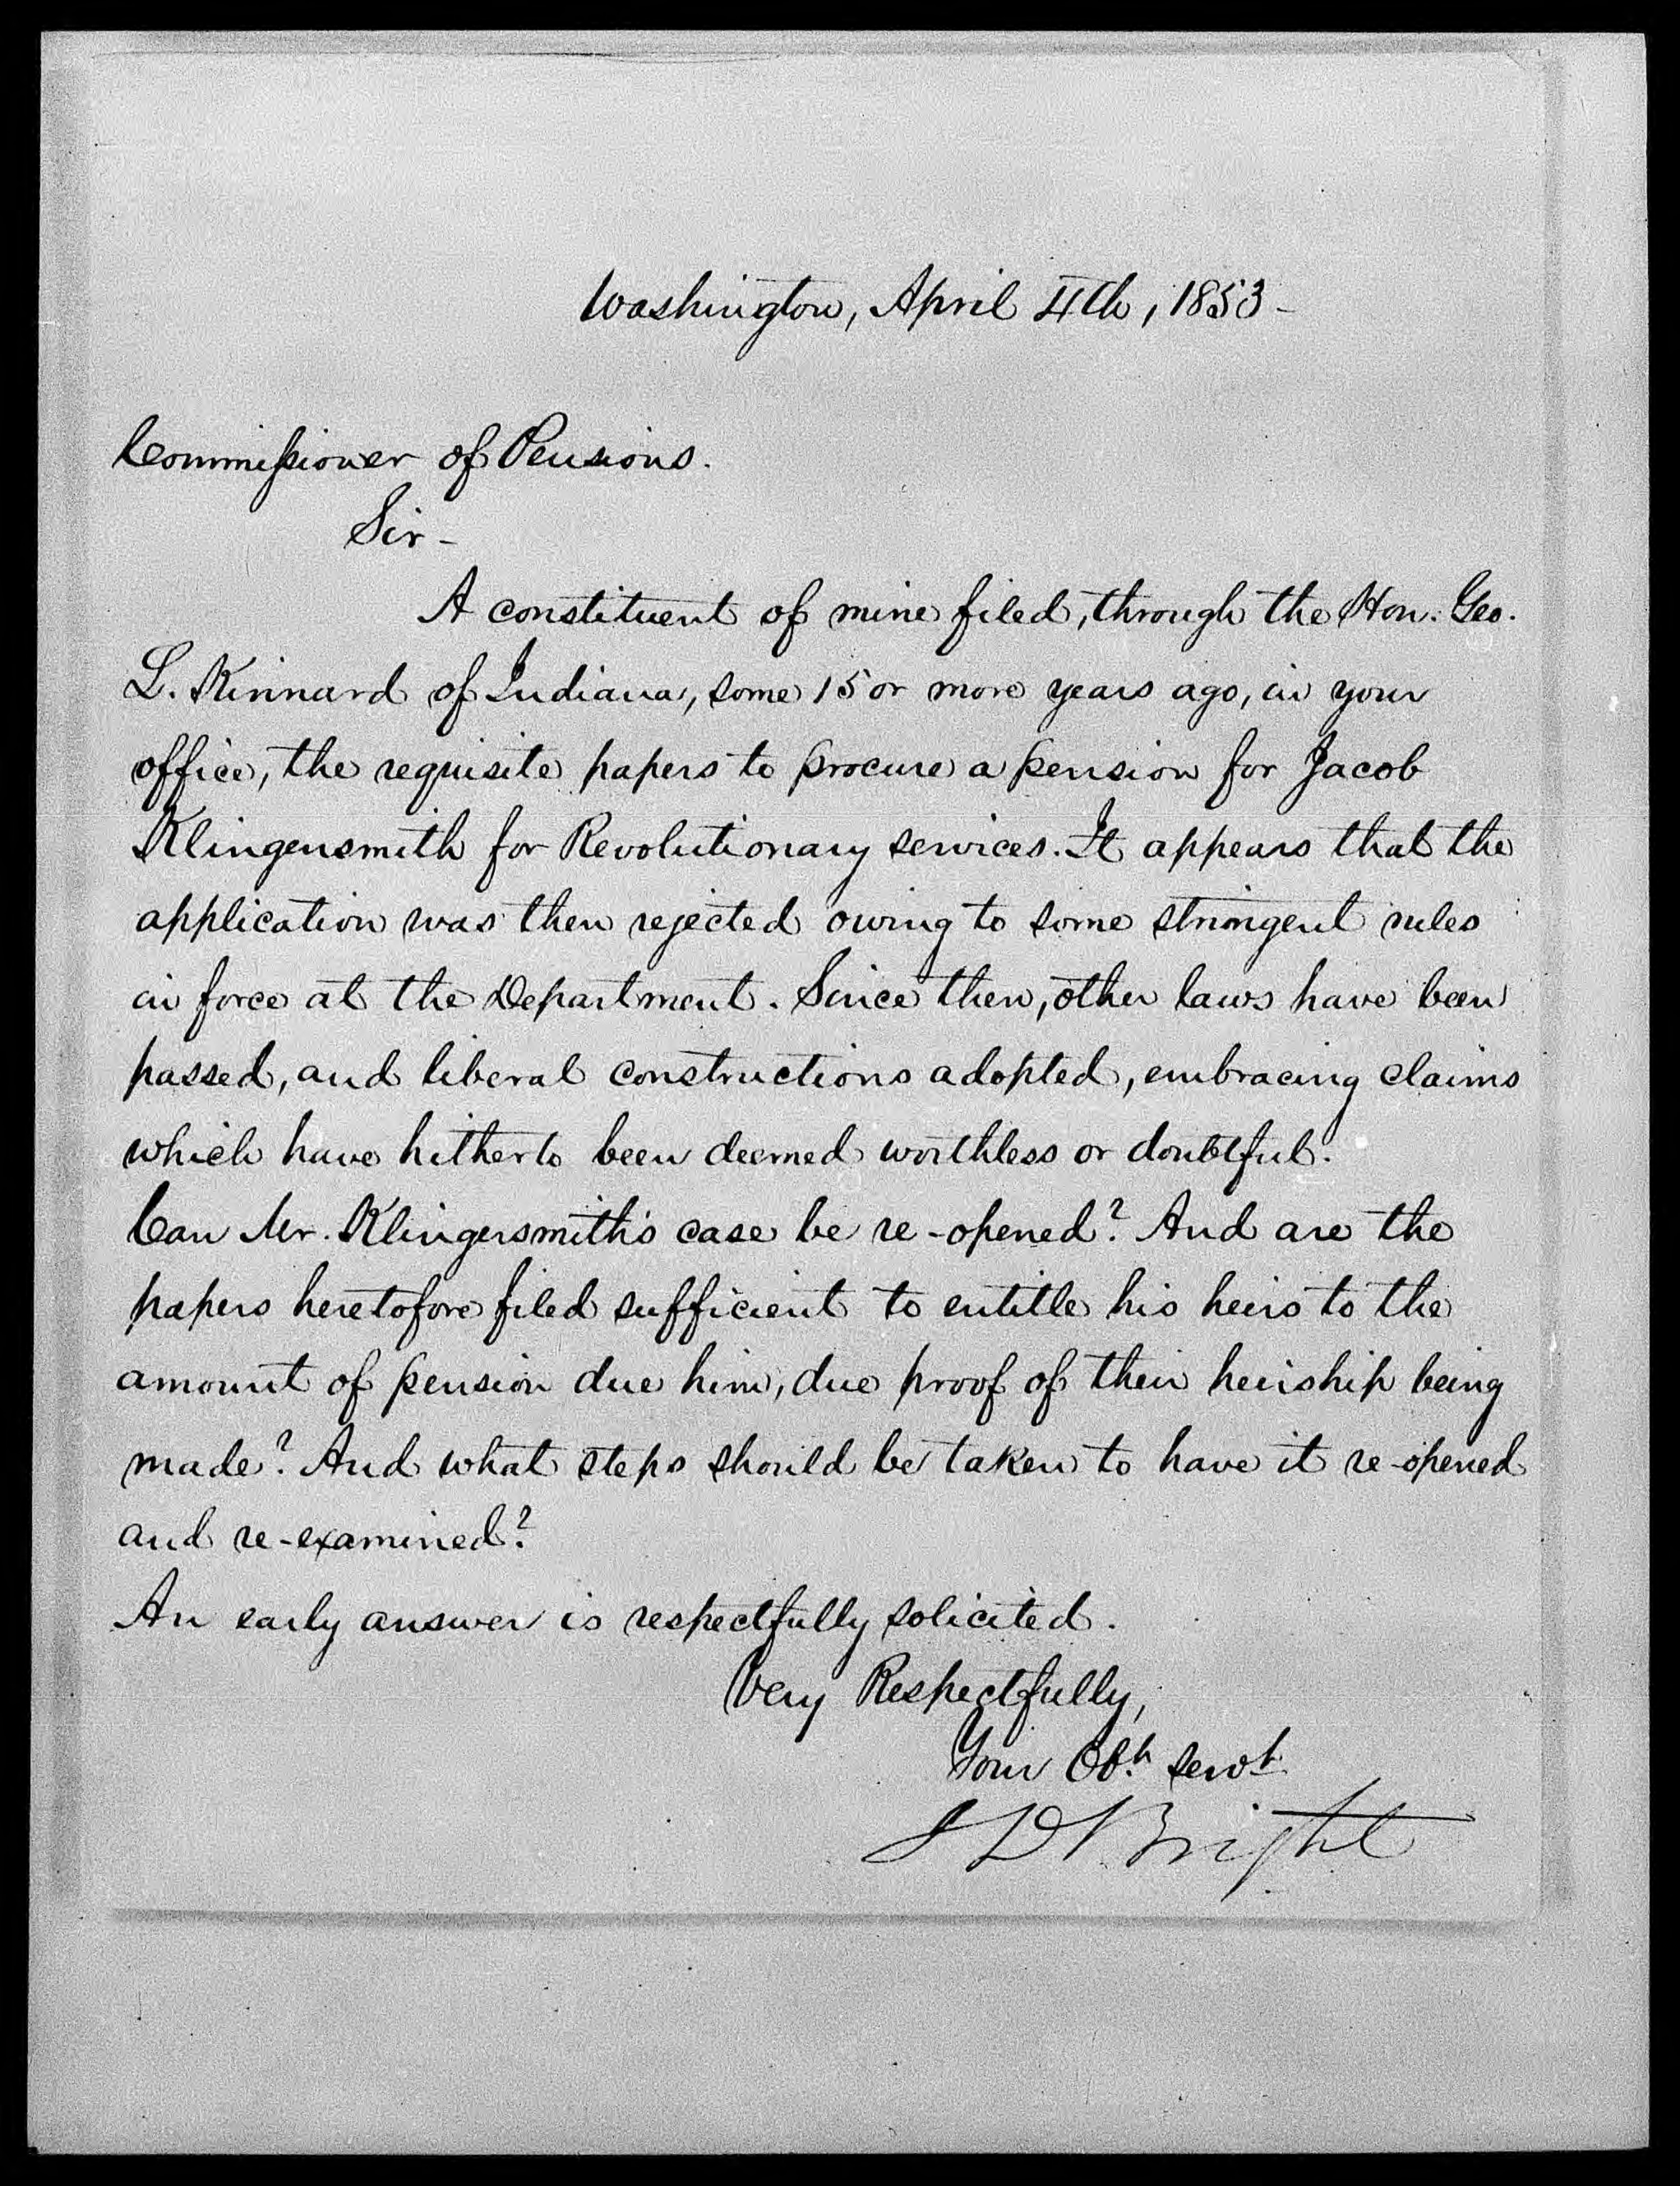Washington, April 4th, 1853

Commisioner of Pensions,
Sir-
A constituent of mine filed, through the Hon. Geo. L. Kinnard of Indiana, some 15 or more years ago, in your office, the requisite papers to procure a pension for Jacob Klingensmith for Revolutionary service. It appears that the application was then rejected owing to some stringent rules in force at the Department. Since then, other laws have been passed, and liberal constructions adopted, embracing claims which have hitherto been deemed worthless or doubtful. Can Mr. Klingensmith’s case be re-opened? And are the papers heretofore filed sufficient to entitle his heirs to the amount of pension due him, due proof of their heirship being made? And what steps should be taken to have it re-opened and re-examined?
An early answer is respectfully solicited.

Very Respectfully,
      Your Obt. Servt.
       J. D. Bright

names: Geo L Kinnard; Jacob Klingensmith; J D Bright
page: 5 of 14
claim: rejected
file: R. 6005, for Jacob Klinginsmith, Pennsylvania